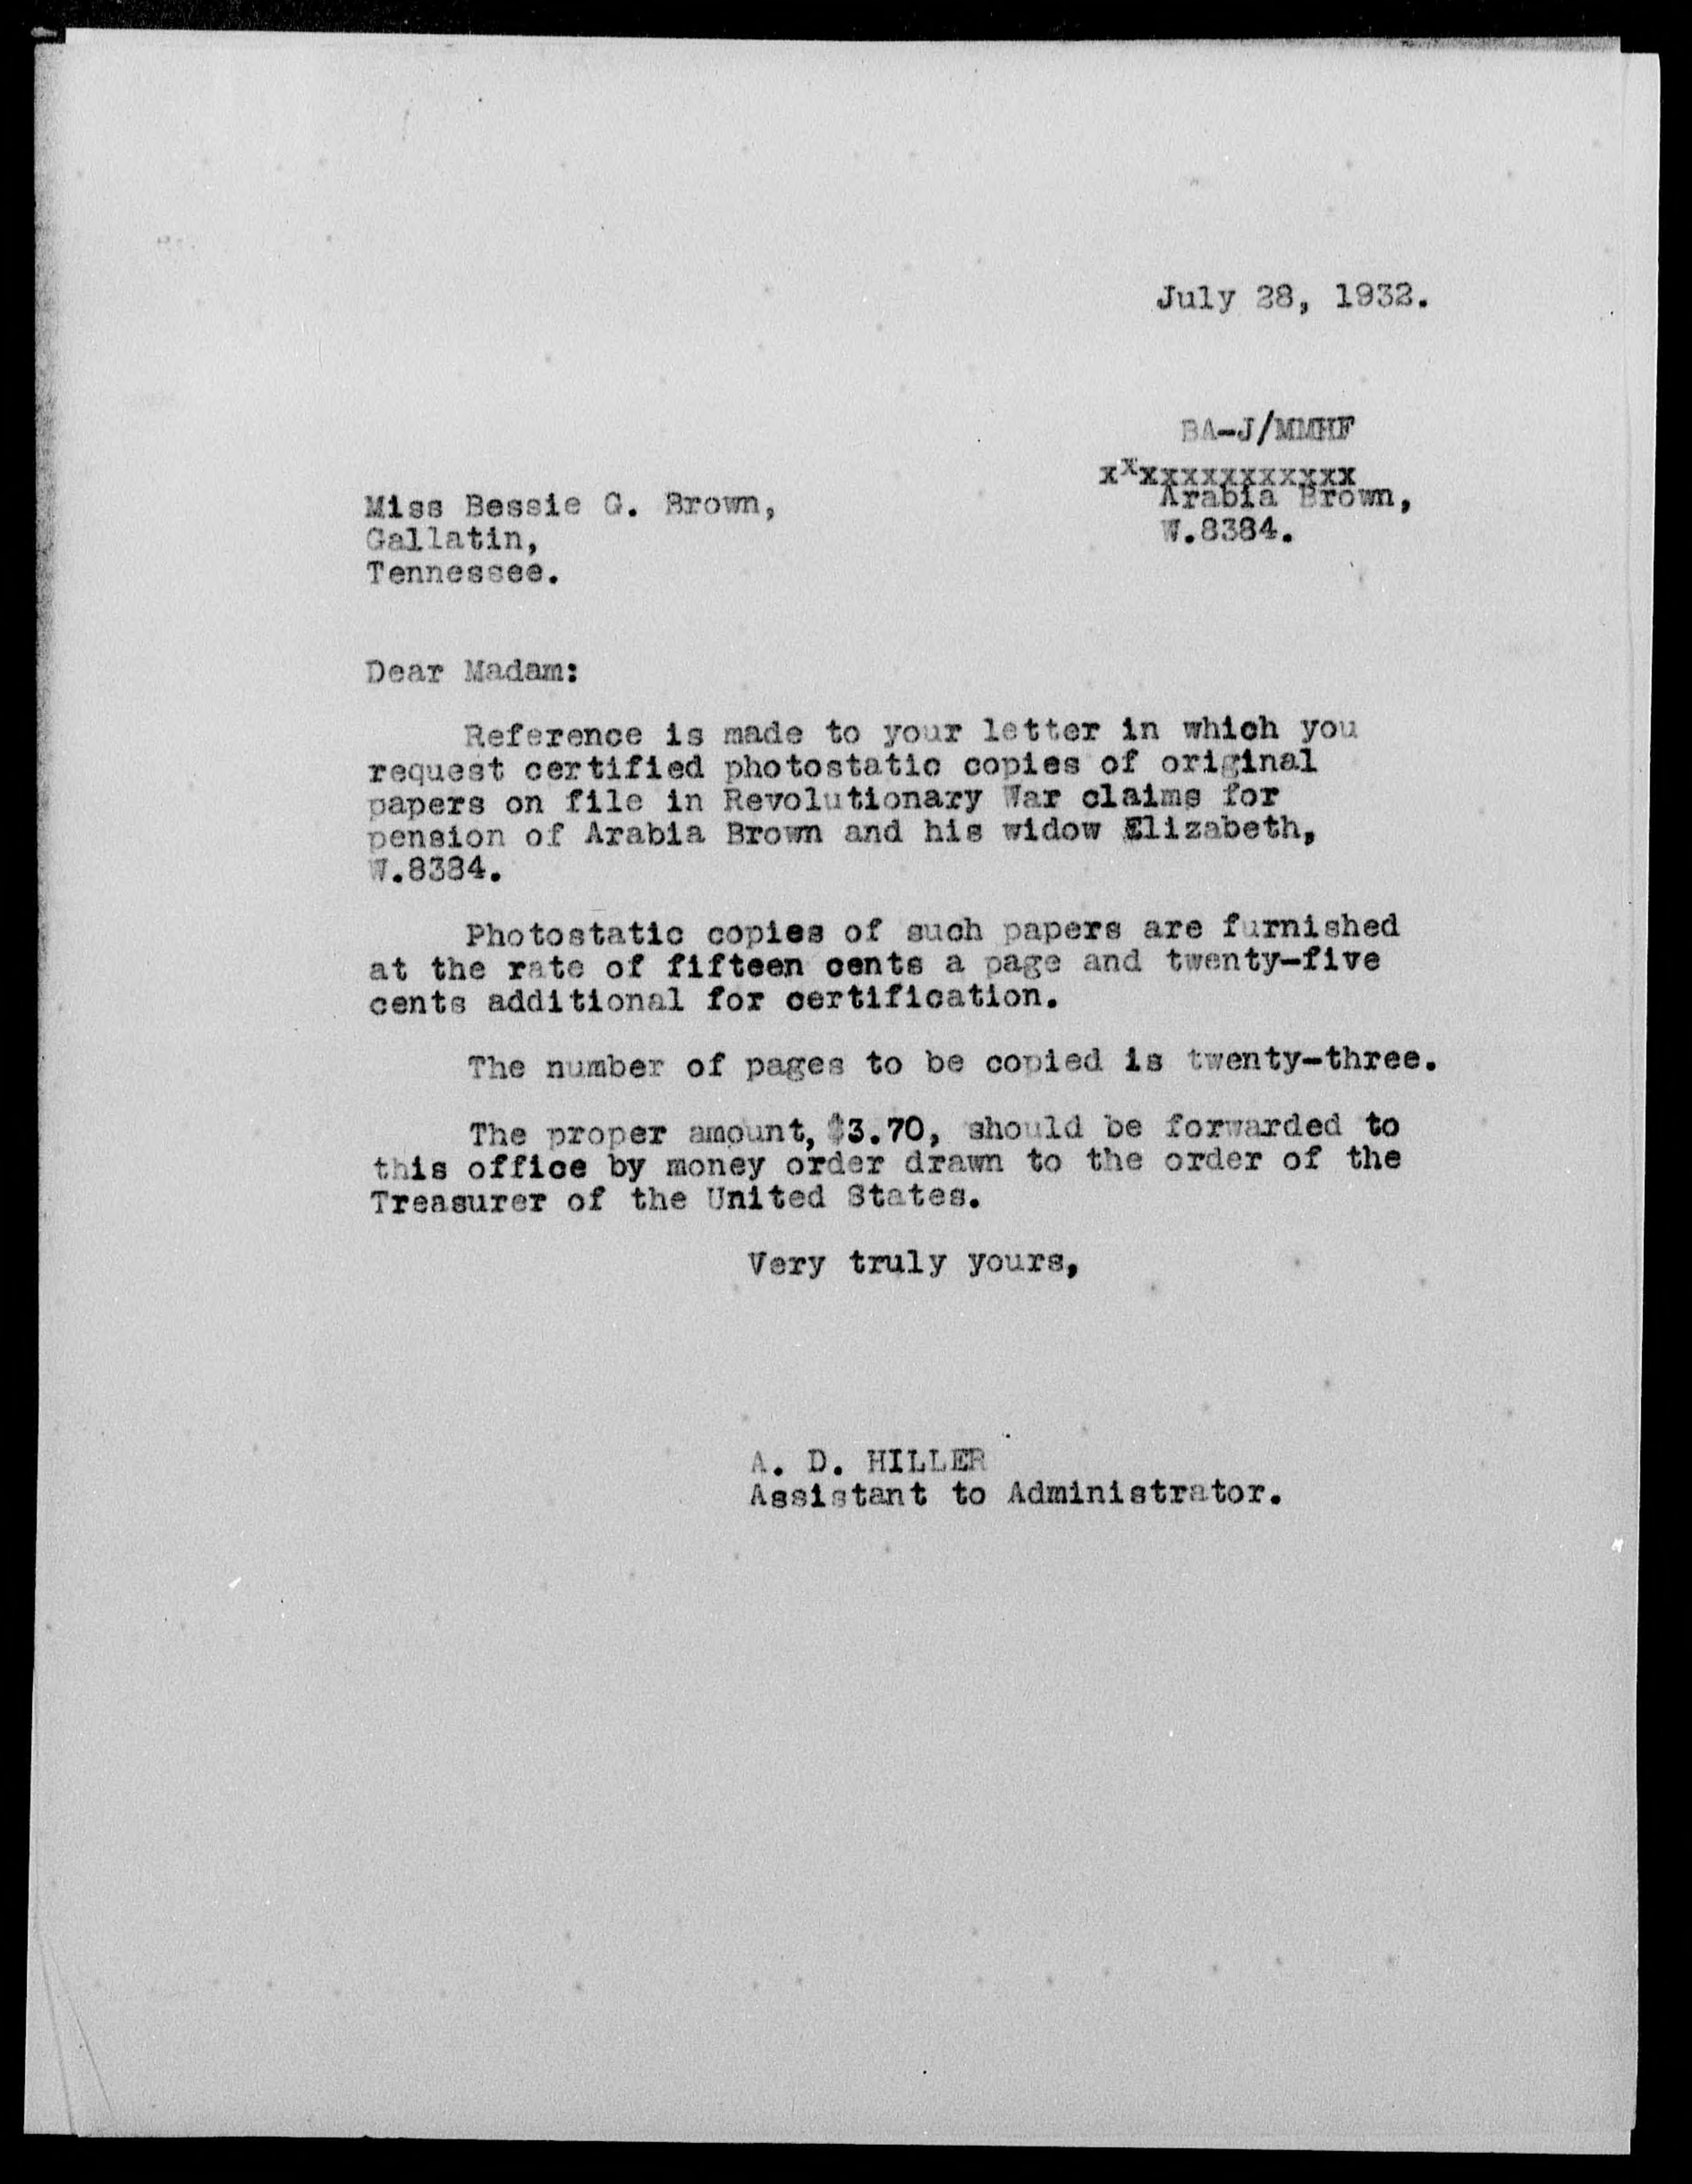July 28, 1932

BA-J/MMHF
xxxxxxxxxxxx
Arabia Brown,
W. 8384.

Miss Bessie G Brown
Gallatin, Tennessee

Dear Madam:

Reference is made to your letter in which you
request certified photostatic copies of original
papers on file in Revolutionary War claims for
pension of Arabia Brown and his widow Elizabeth W. 83834.

Photostatic copies of such papers are furnished
at the rate of fifteen cents a page and twenty-five cents additional for certification.

The number of pages to be copied is twenty-three.


The proper amount, $3.70, should be forwarded to 
this office by money order drawn to the order of the 
Treasurer of the United States.

Very truly yours,

A.D. Hiller
Assistant to Administrator.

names: Bessie G Brown, Arabia Brown, Elizabeth, Arabia Brown, A D Hiller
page: 37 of 65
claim: widow's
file: W. 8384, Arabia Brown, Va.